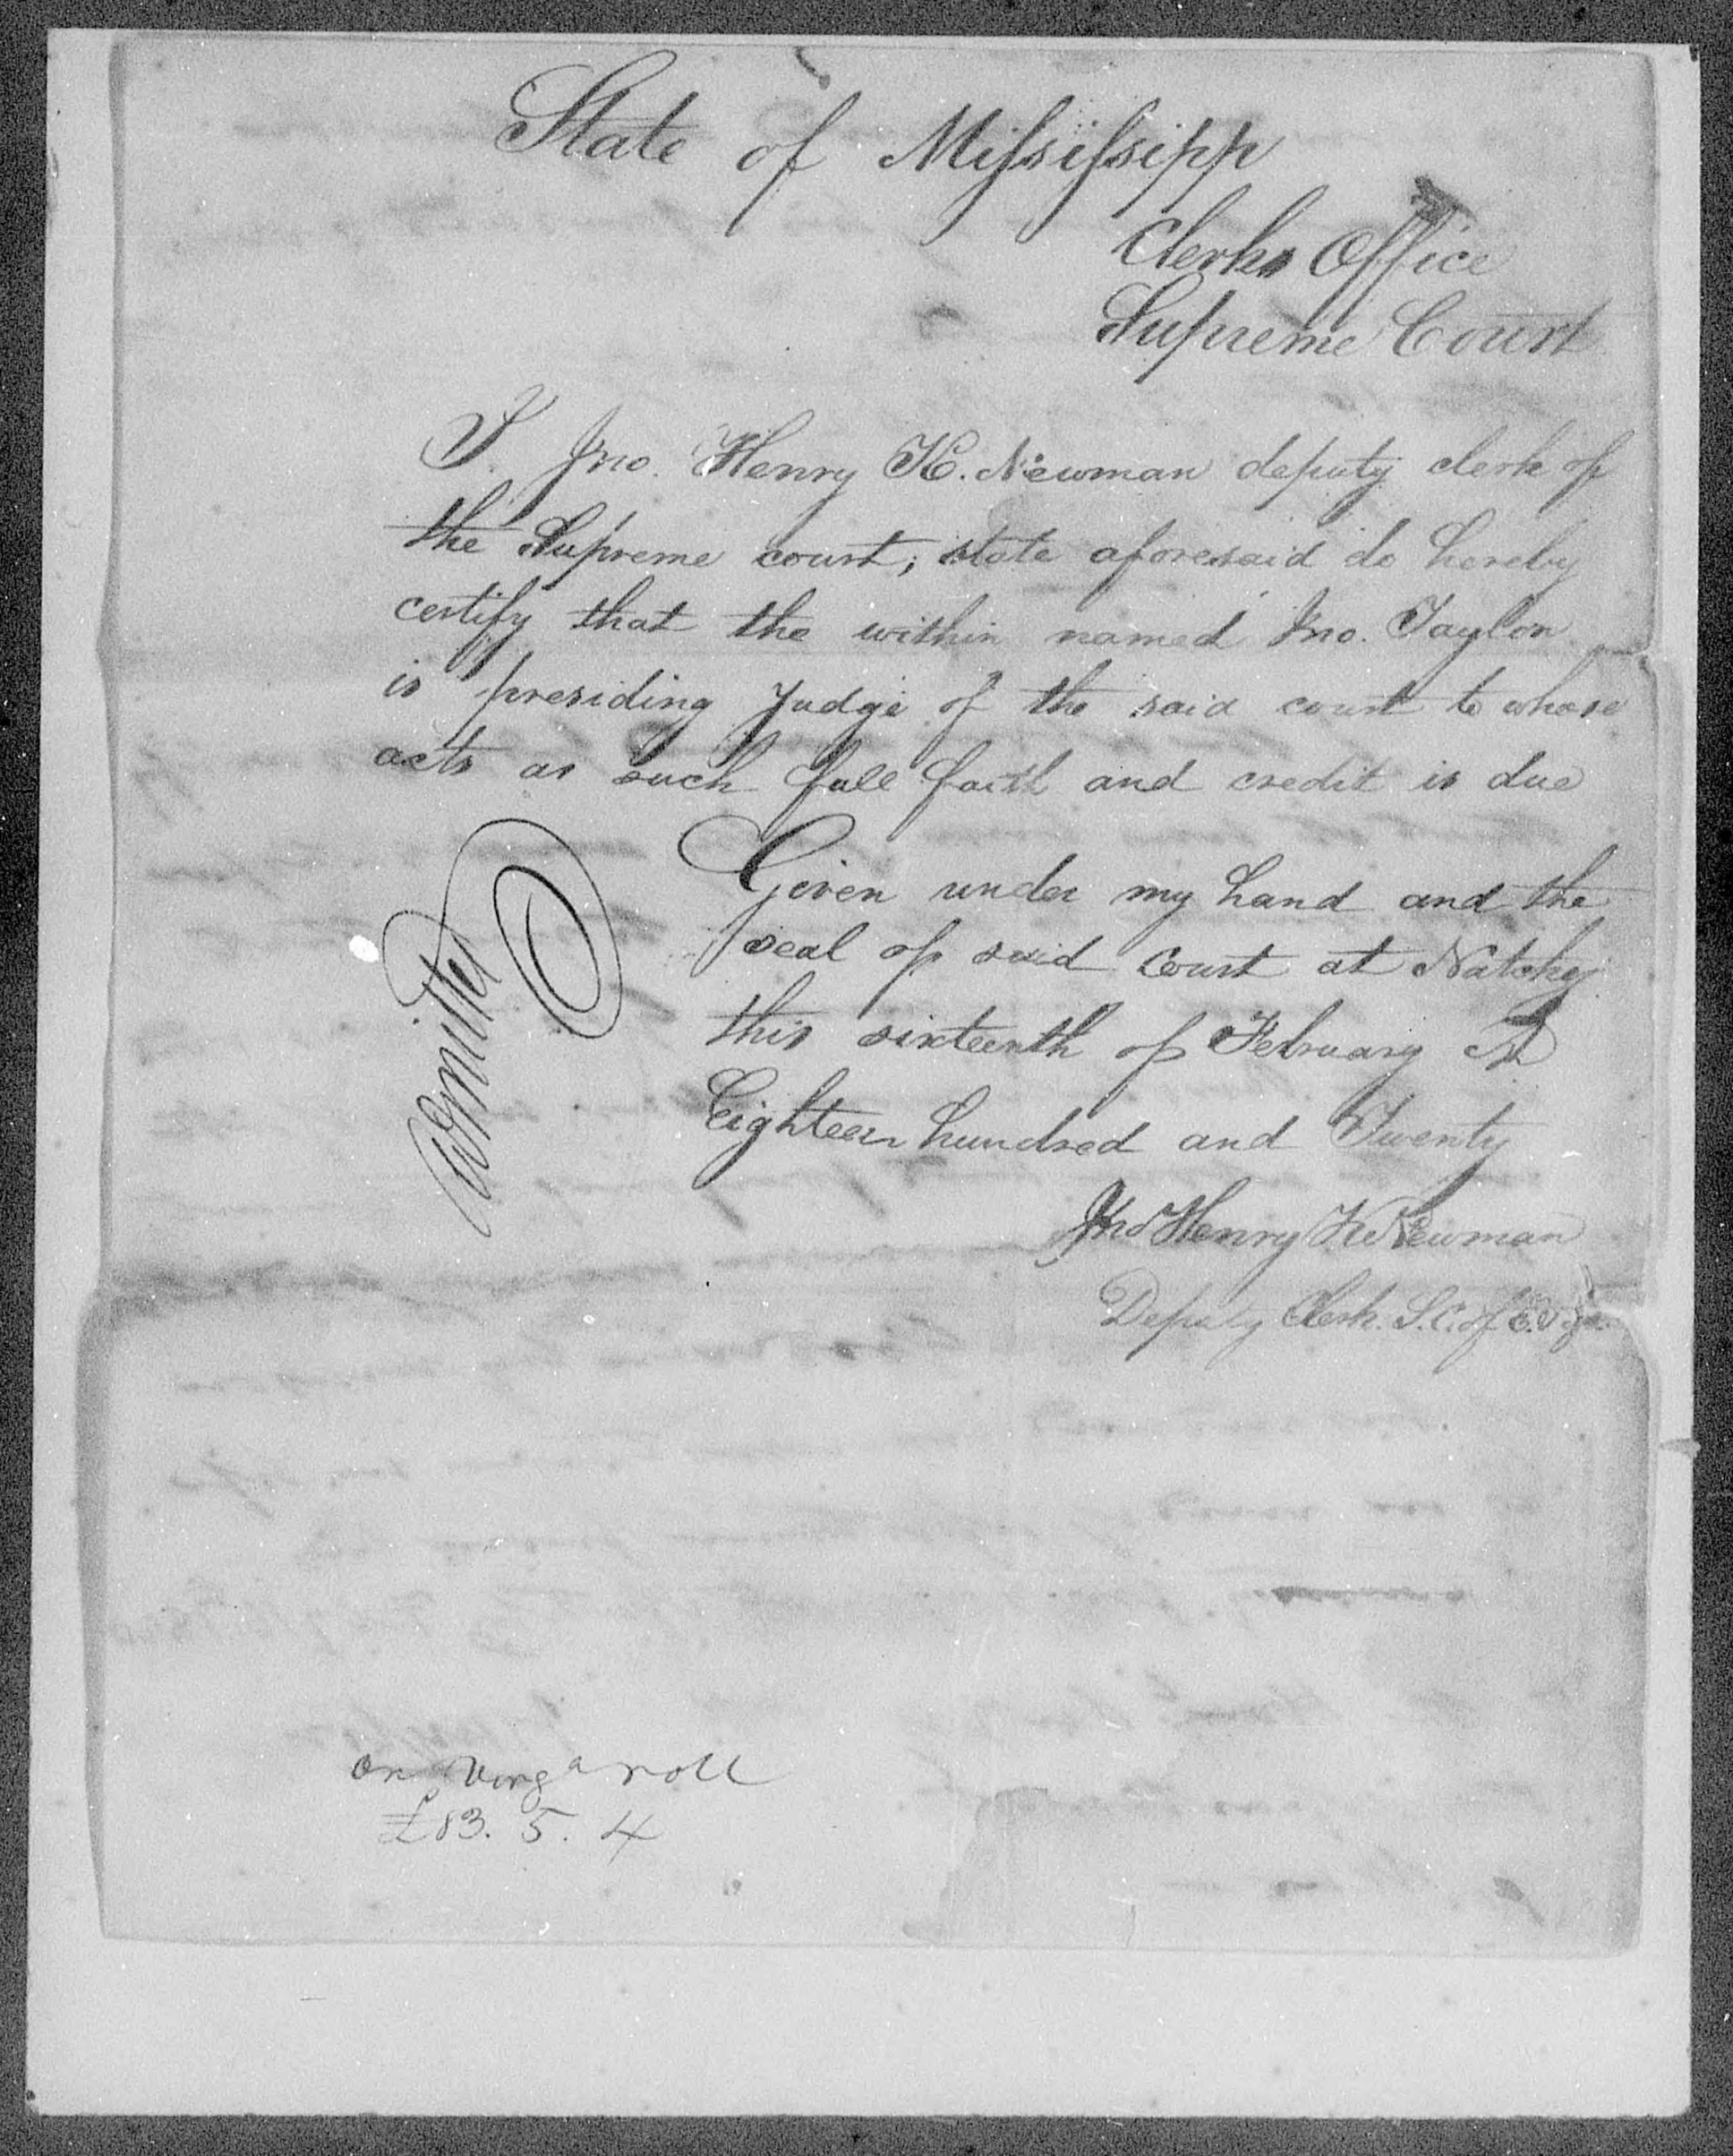I, Jo. Henry K. Newman deputy clerk of the Supreme court, state aforesaid do hereby certify that the within named Jo. Yaylor is presiding Judge of the said court to whose acts as such fall faith and credit is due.
Given under my hand and the seal of said court at Natchez this sixteenth of February of Eighteen hundred and Twenty
Jno. Henry K. Newman
Deputy Clerk S. C. of [illegible]
Admitted
on Vira. roll
(pound sign) 83. 5. 4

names: Jno Henry, Jno Taylor, Jno Henry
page: 7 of 24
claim: survivor's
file: S. 34903, Benjamin Goodwin, Va.